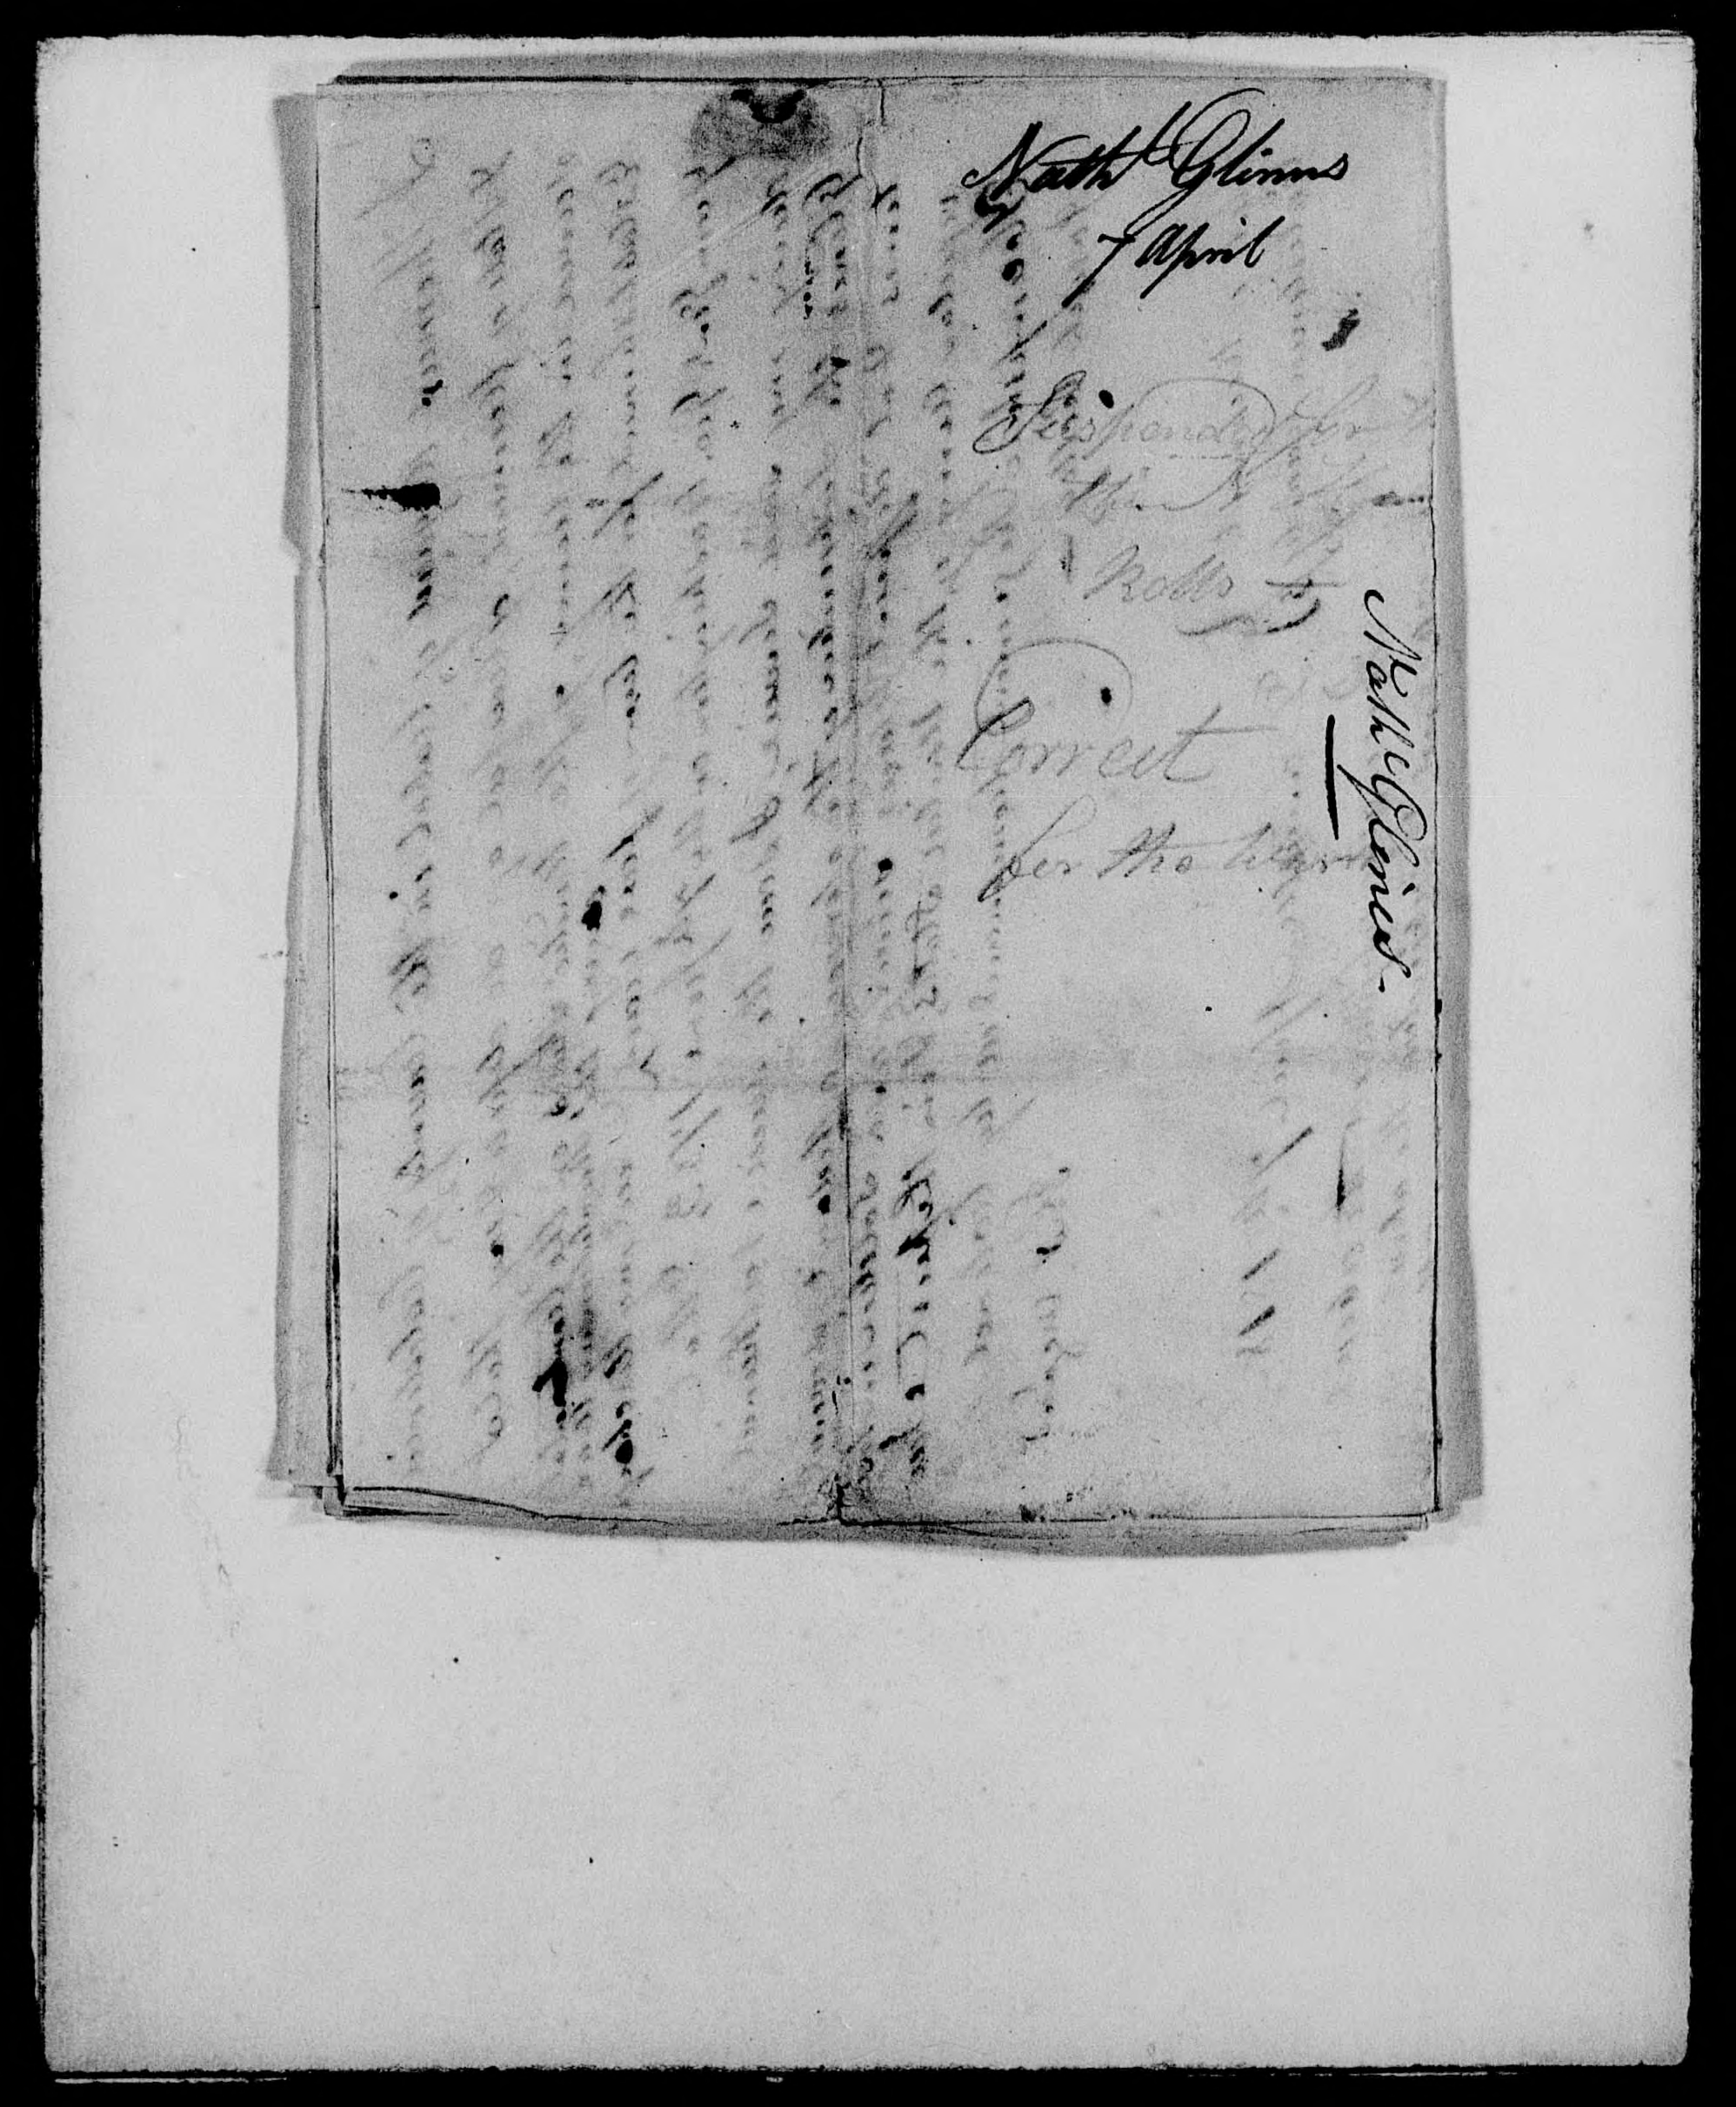Nath'l Glines
7 April

Nath'l Glines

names: Nathl Glines, Nathl Glines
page: 11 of 29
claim: widow's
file: W. 24,282, Nathaniel Glines, N.H.